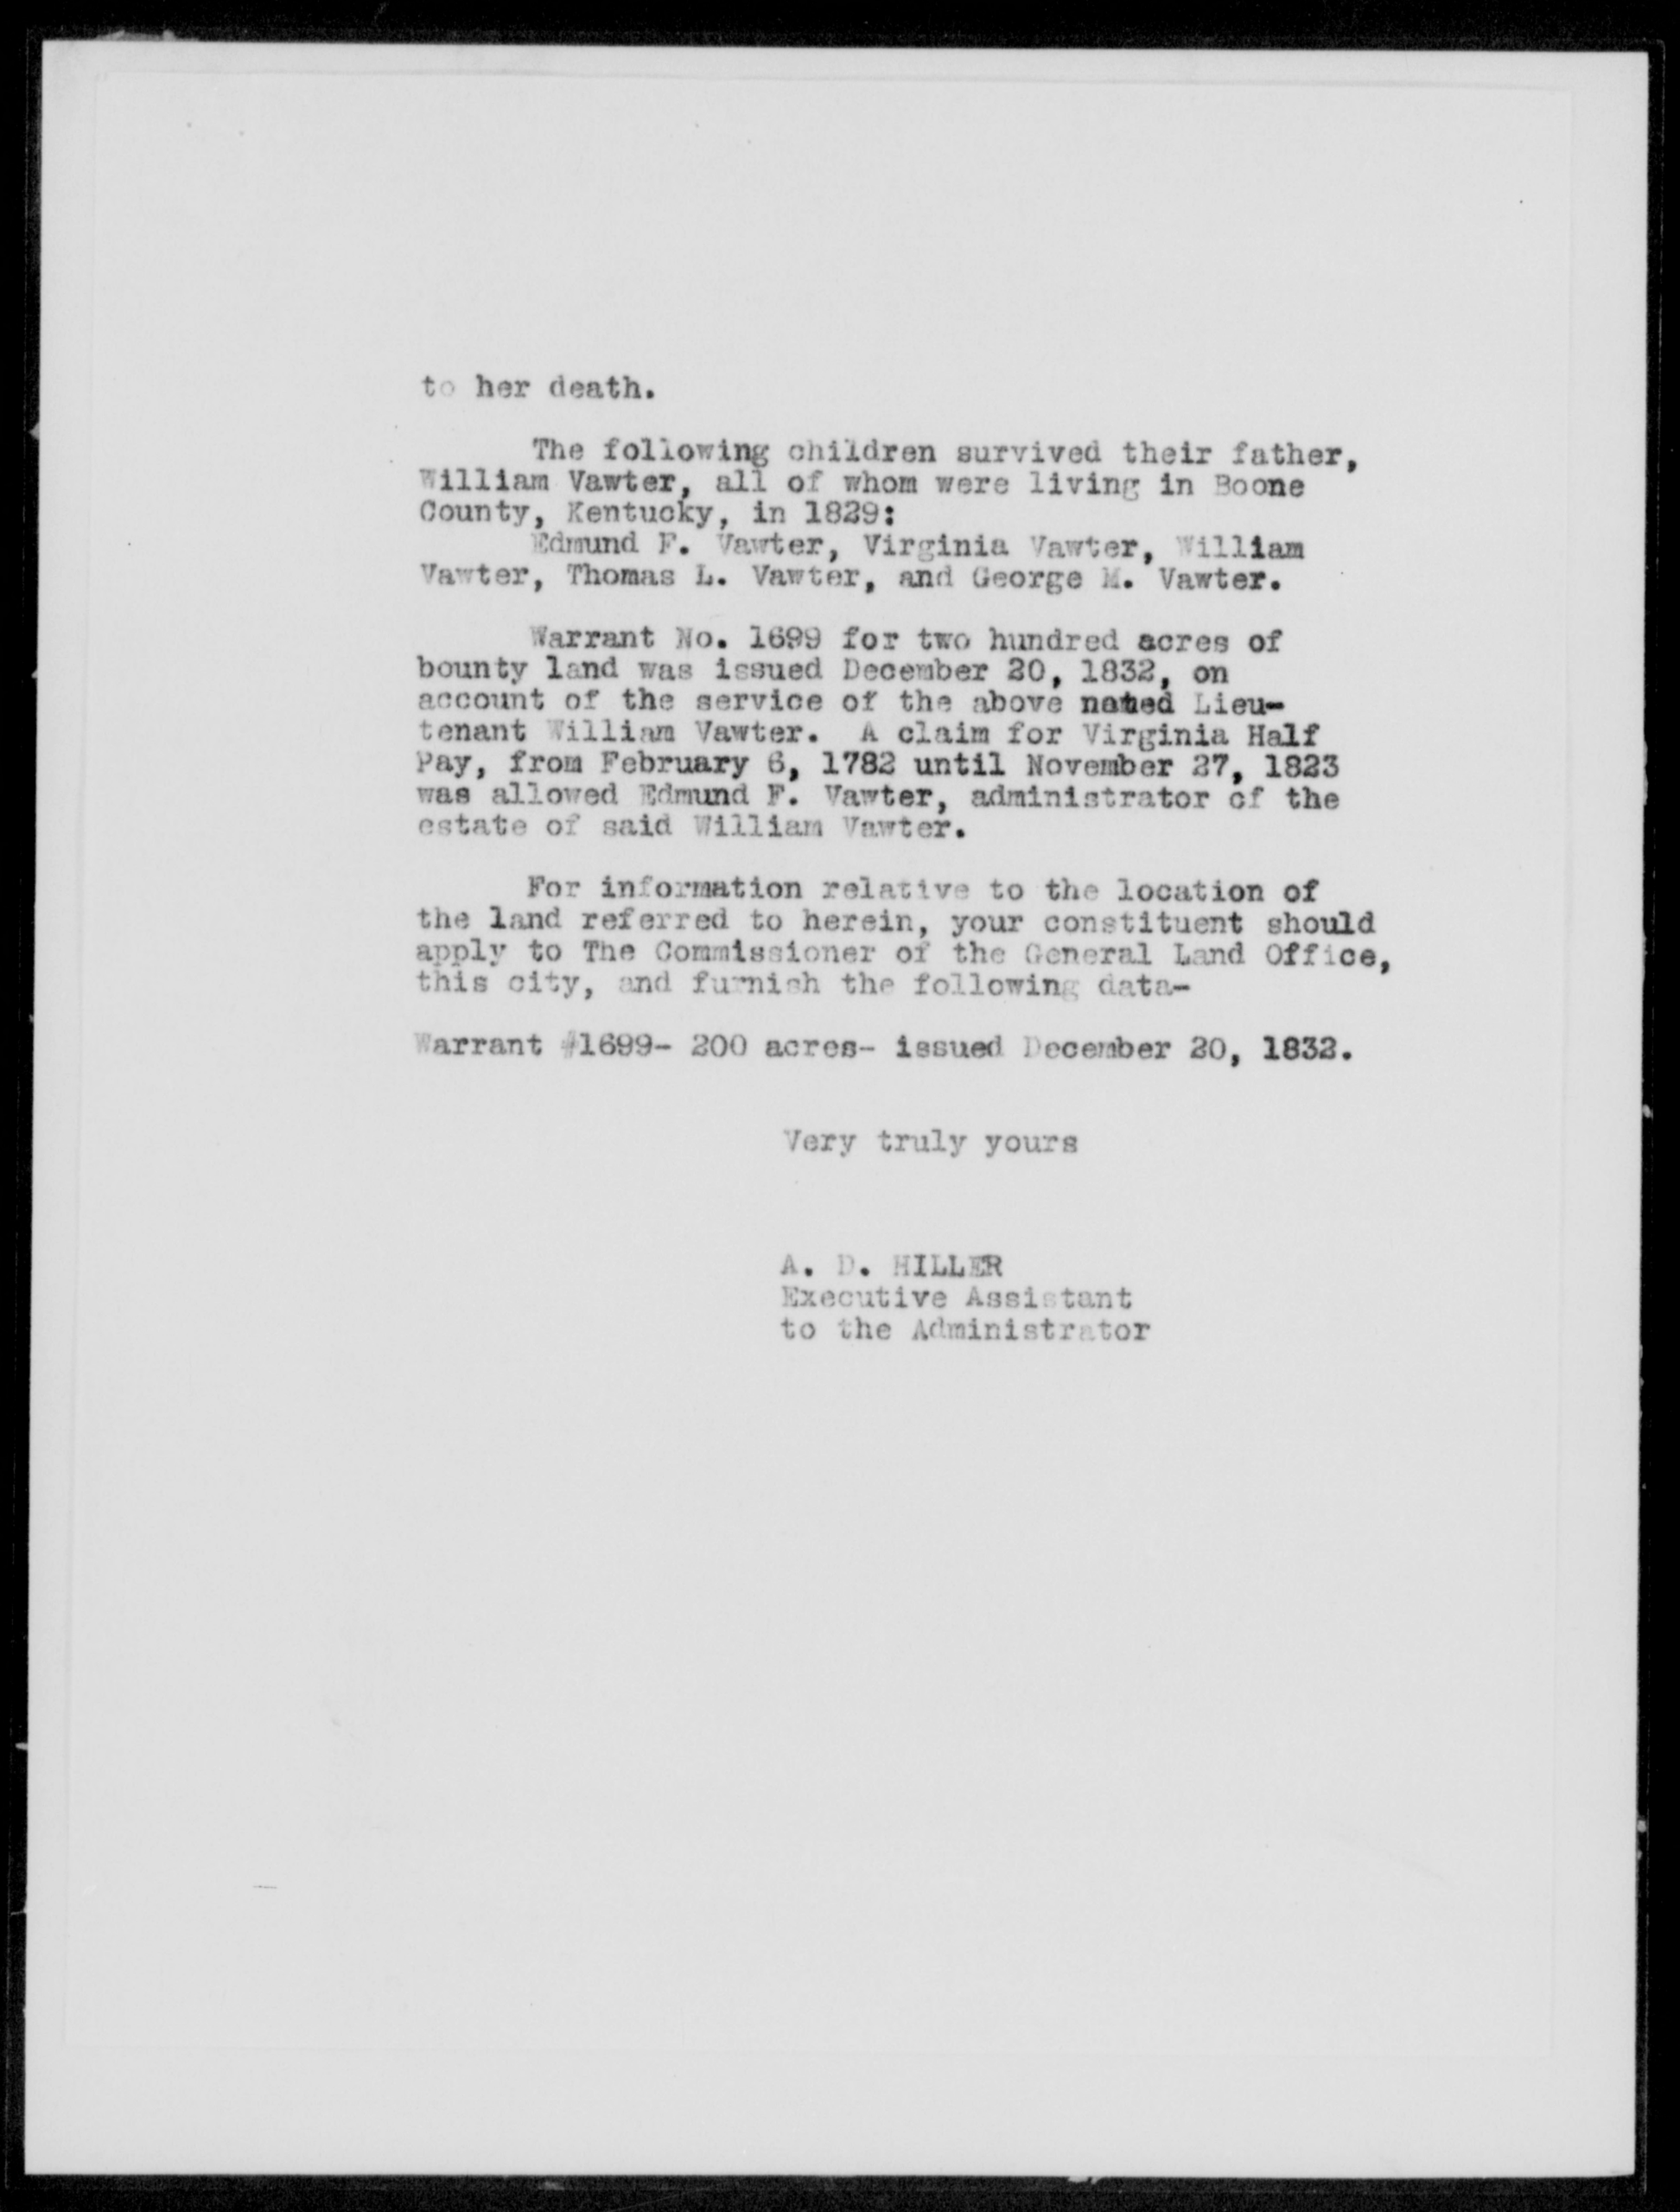to her death.
The following children survived their father,
William Vawter, all of whom were living in Boone
County, Kentucky, in 1829:
Edmund F. Vawter, Virginia Vawter, William
Vawter, Thomas L. Vawter, and George M. Vawter.
Warrant No. 1699 for two hundred acres of
bounty land was issued December 20, 1832, on
account of the service of the above noted Lieutenant
William Vawter. A claim for Virginia Half
Pay, from February 6, 1782 until November 27, 1823
was allowed Edmund F. Vawter, administrator of the
estate of said William Vawter.
For information relative to the location of
the land referred to herein, your constituent should
apply to The Commissioner of the General Land Office,
this city, and furnish the following data-
Warrant #1699 - 200 acres - issued December 20, 1832.
Very truly yours
A. D. HILLER
Executive Assistant
to the Administrator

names: William Vawter, Thomas L Vawter, Edmund F Vawter, William Vawter, William Vawter, George M Vawter, William Vawter, A D Hiller, Edmund F Vawter, Virginia Vawter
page: 8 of 51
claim: rejected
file: R. 10,921, William Vawter, Va.